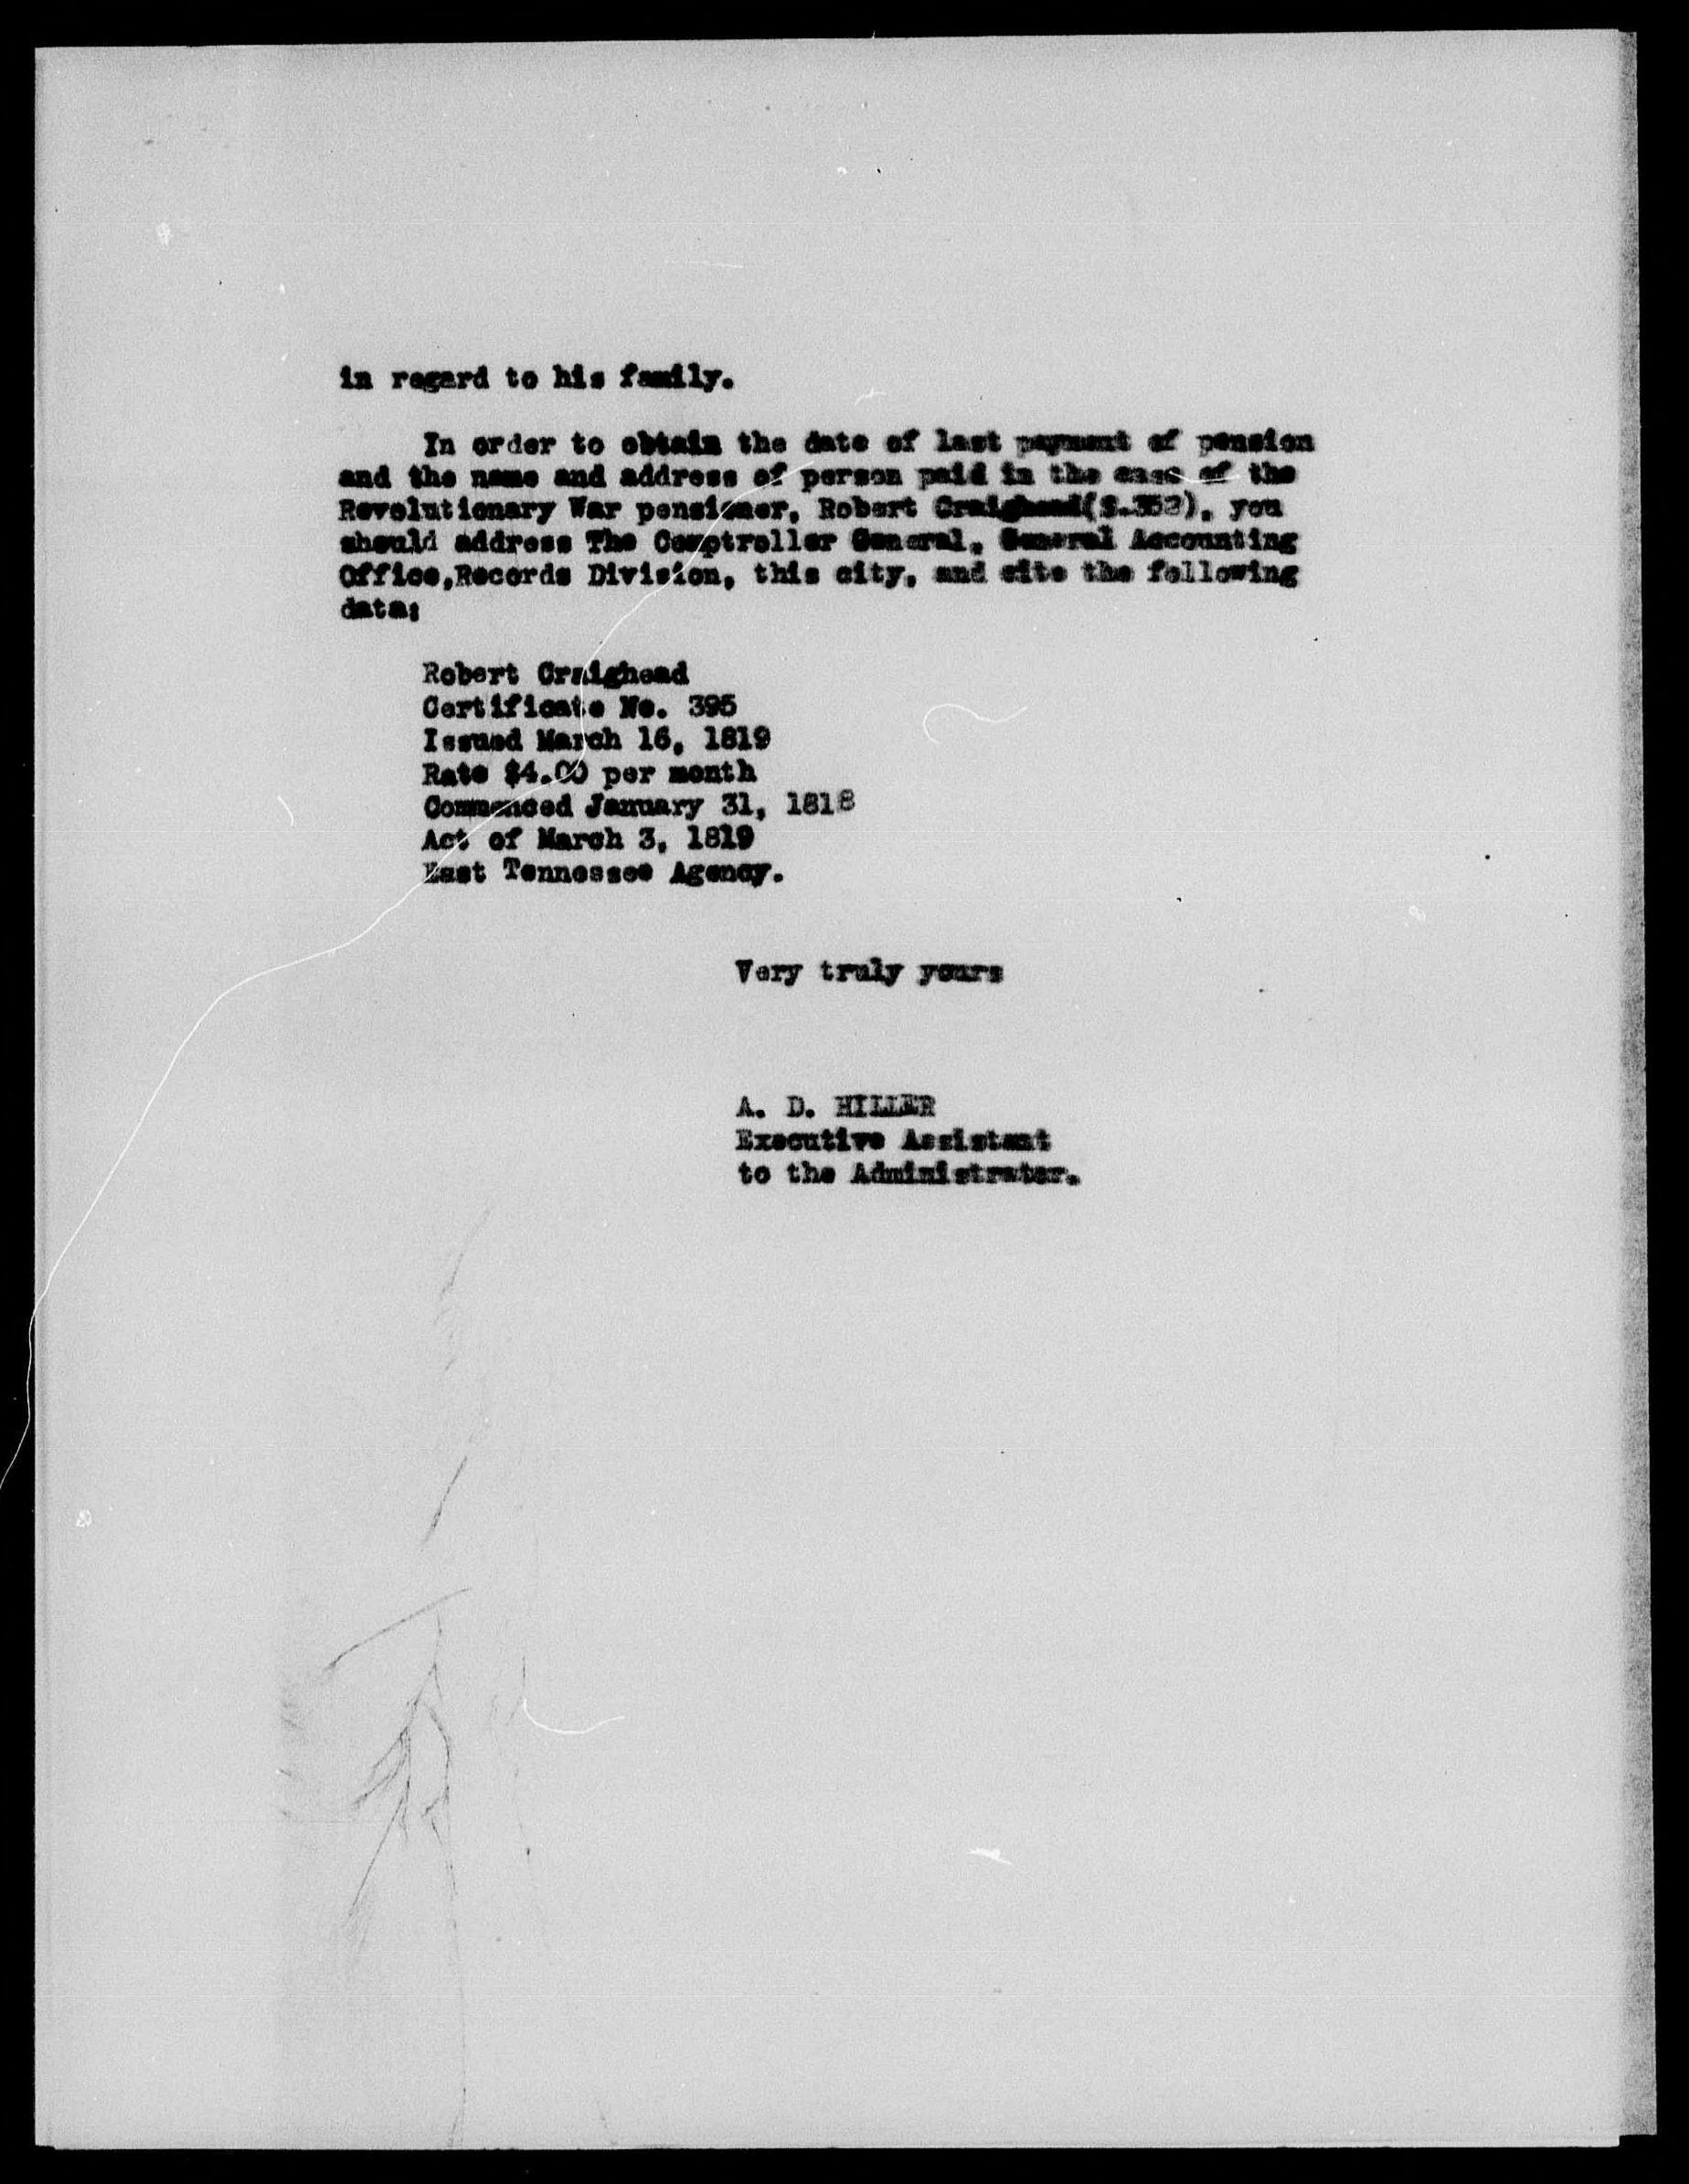in regard to his family.

In order to obtain the date of last payment of pension
and the name and address of person paid in the ones of the
Revolutionary War pensioner, Robert (illegible) 
should address The Comptroller General, General Accounting
Office, Records Division, this city, and cite the follow data:

Robert Craighead
Certificate No. 395
Issued March 16, 1819
Rate $4.00 per month
Commenced January 31, 1818
Act of March 3, 1819
East Tennessee Agency


Very truly yours
A. D. HILLER
Executive Assistant
to the Administrator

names: A D Hiller, Robert Craighead, Robert Craighead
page: 9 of 26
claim: survivor's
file: S. 352, Robert Craighead, N.C.